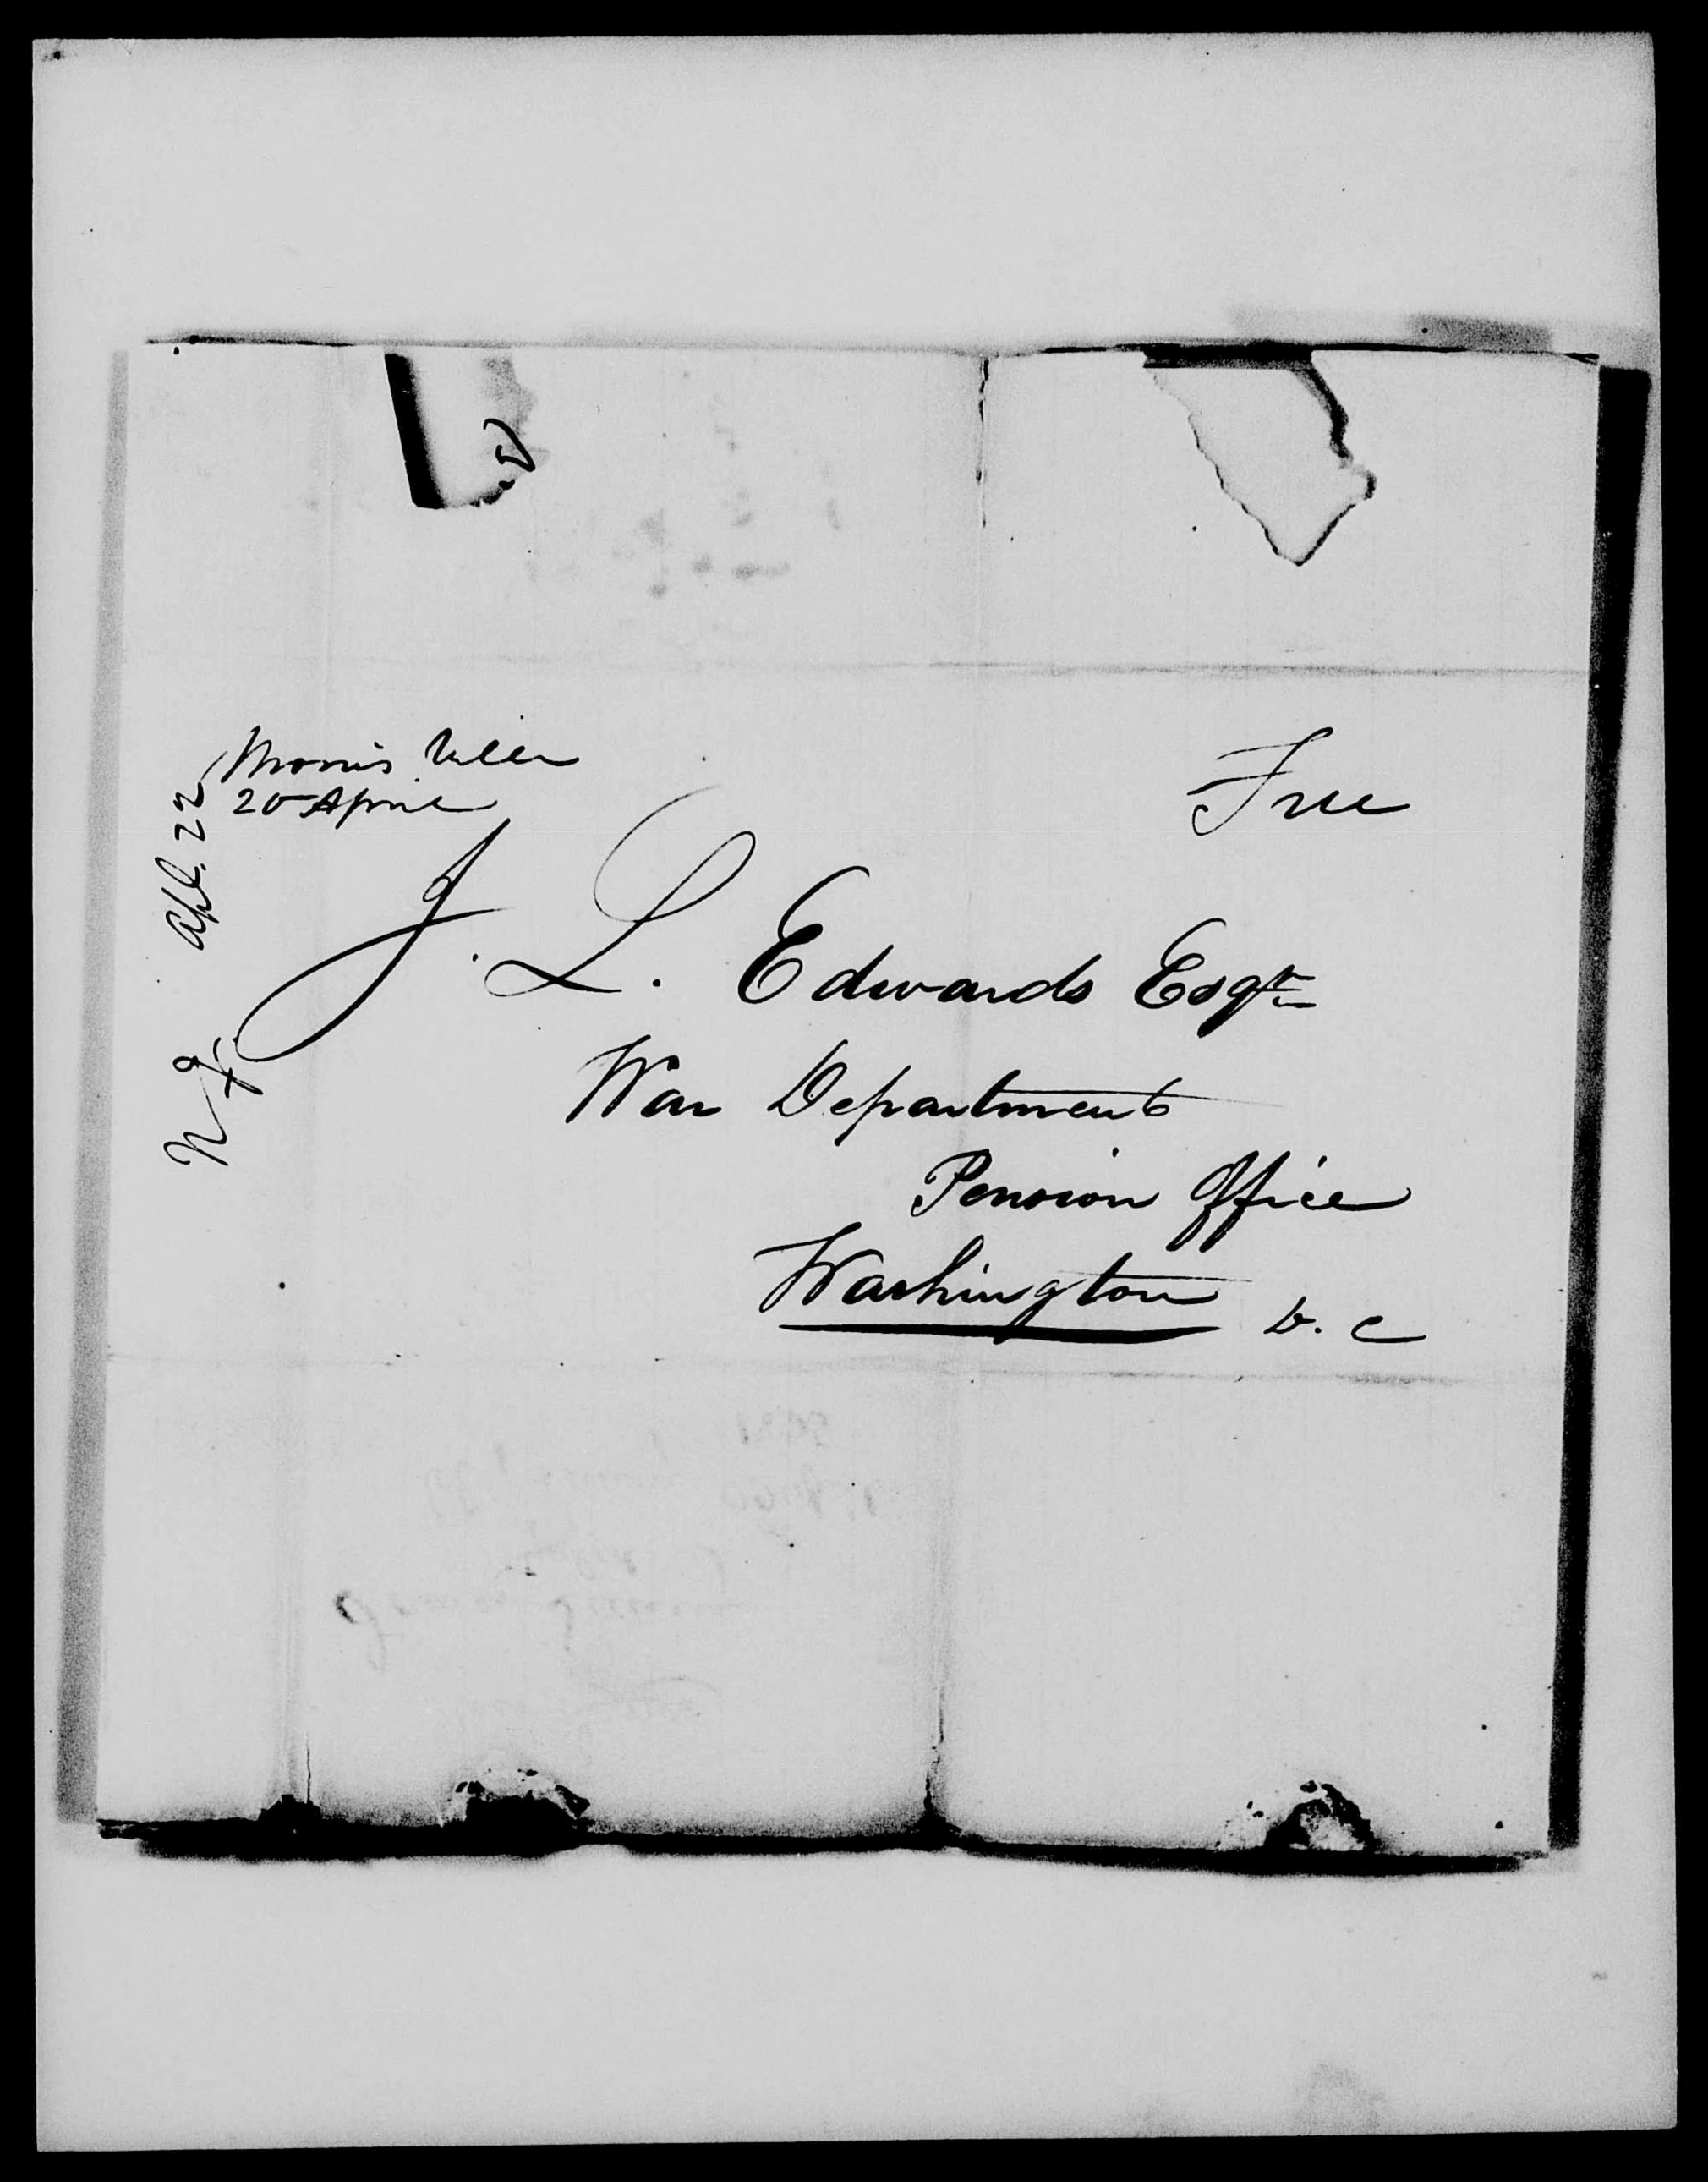NJ Apl. 22
Morris Ville
20 April
Free
J. L. Edwards Esqr.
War Department
Pension Office
Washington D. C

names: J L Edwards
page: 29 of 39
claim: rejected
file: R. 6154, for James Laning, New Jersey